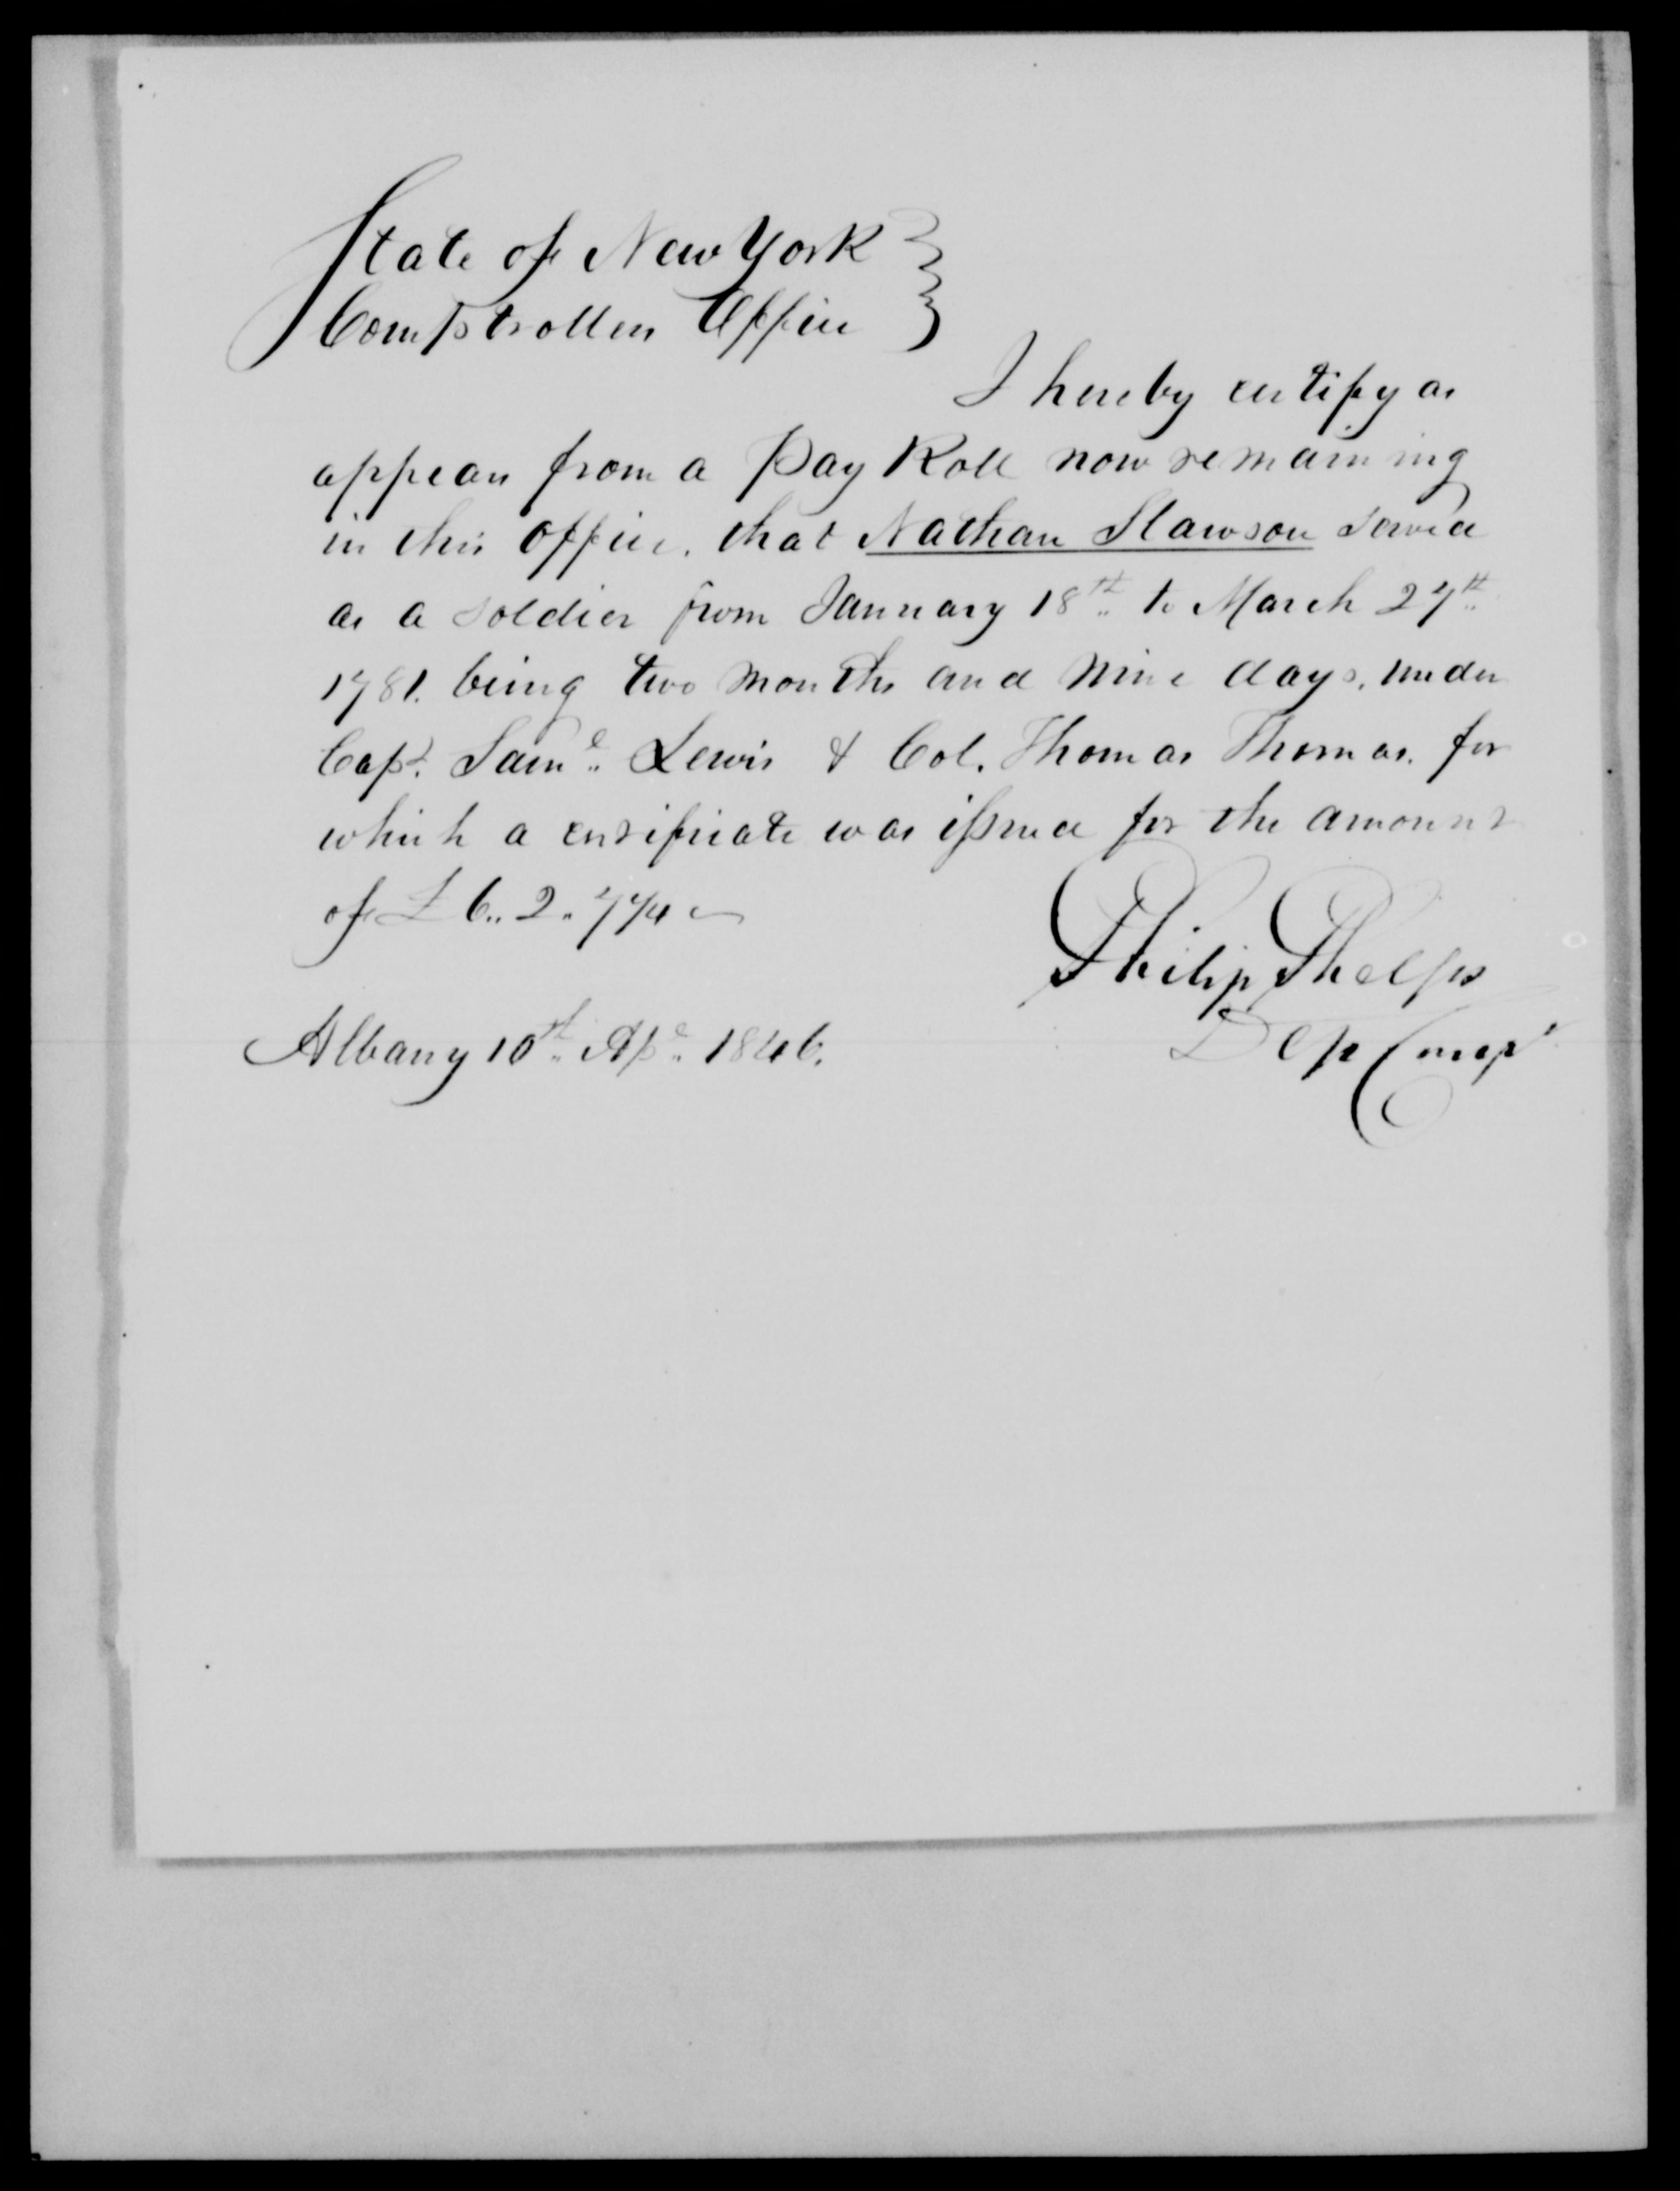State of New York 
Comptrollers Office}  I hereby certify as appears from a Pay Roll now remaining in this office that Nathan Slawson service as a soldier from January 18th to March 24th 1781. being two months and nine days under Capt Saml Lewis & Col. Thomas Thomas for which a certificate was issued for the amount of £26.2.77-
Philip Phelps prest
Albany 10th Apl 1846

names: Thomas Thomas; Saml Lewis; Philip Phelps; Nathan Slawson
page: 53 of 87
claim: widow's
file: W. 22,226, for Nathan Slawson, Connecticut